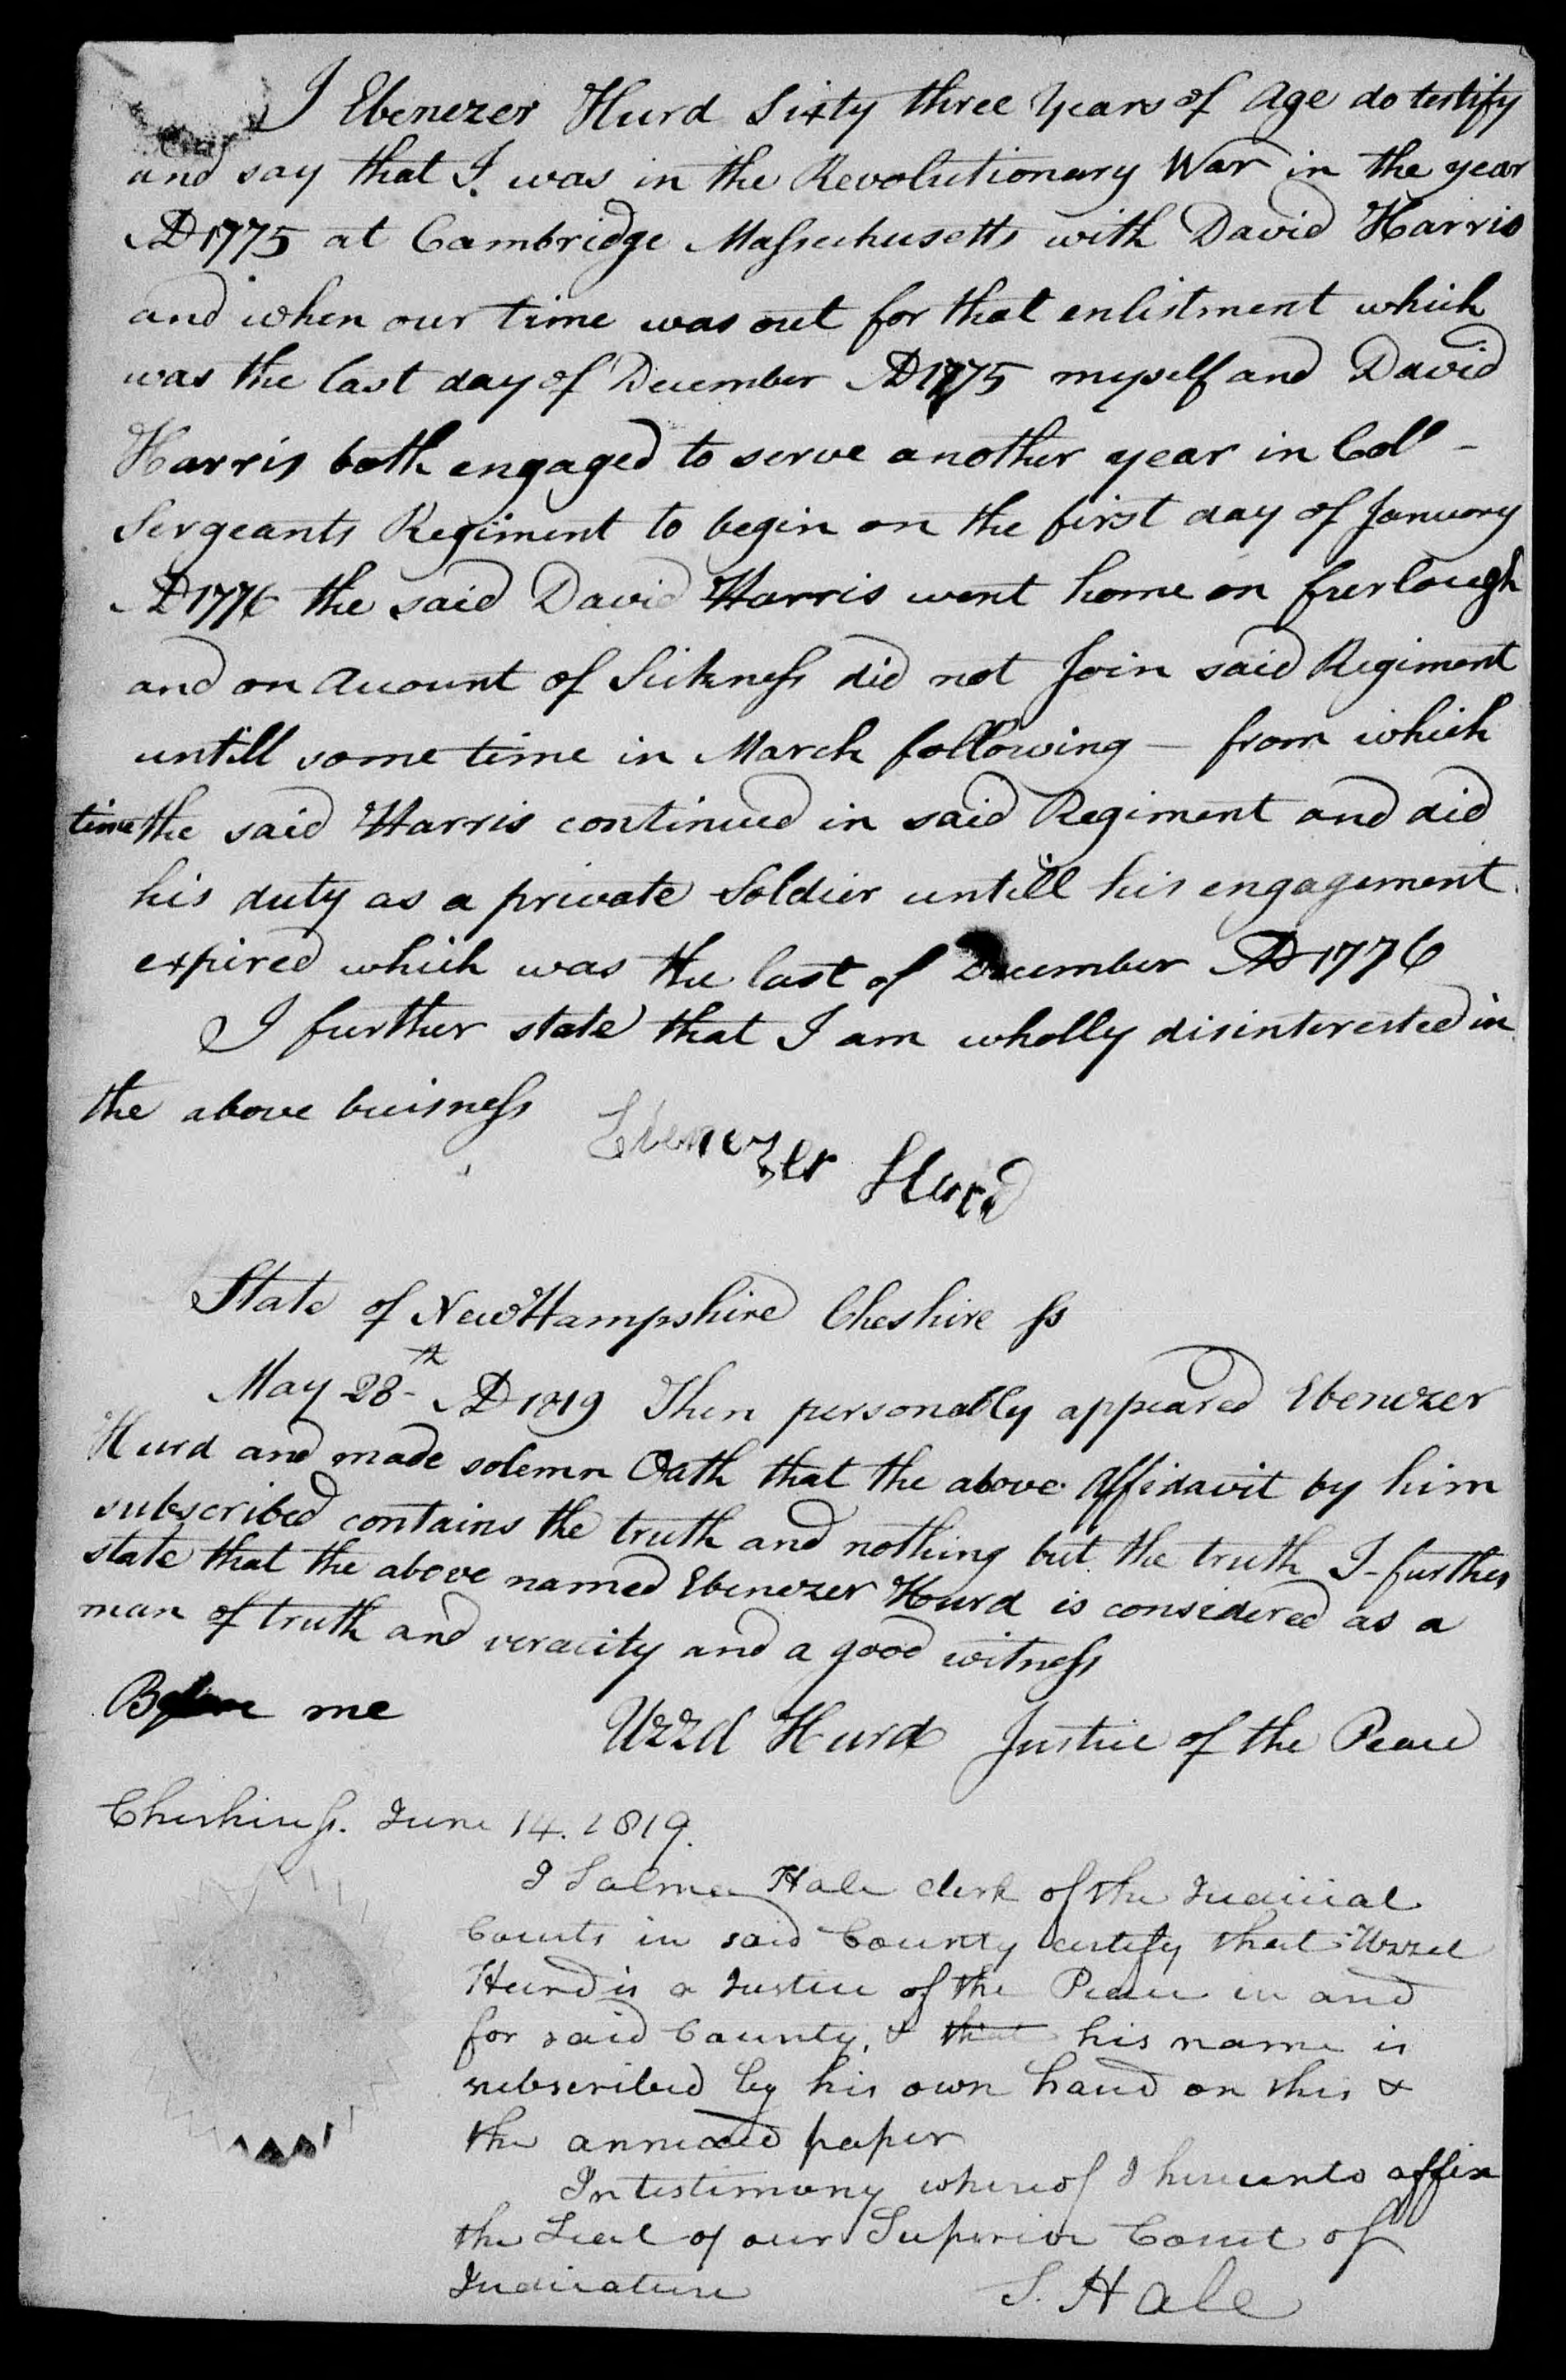I Ebenezer Hurd sixty three years of age to testify and say that I was in the Revolutionary War in the year A.D. 1775 at Cambridge, Massachusetts with David Harris and when our time was out for that enlistment which was the last day of December A.D. 1775 myself and David Harris both engaged to serve another year in Col. Sergeants Regiment to begin on the first day of January A.D. 1776 the said David Harris went home on furlough and on account of sickness did not join said regiment untill [until] some time in March following from which time the said Harris continued in said Regiment and did his duty as a private soldier untill [until] [illegible] engagement expired which was the last of December A.D. 1776.
I further state that I am wholly disinterested in the above business.
Ebenezer Hurd
State of New Hampshire Cheshire Co
May 28th A.D. 1819 then personally appeared Ebenezer Hurd and made solemn Oath that the above affidavit by him subscribed contains the truth and nothing but the truth. I further state that the above named Ebenezer Hurd is considered as a man of truth and veracity and a good witness 
Before me 
Uzzel Hurd Justice of the Peace
Cheshire Co June 14, 1819
I Salma Hale clerk of the Judicial Courts in said County certify that Uzzel Hurd is a Justice of the Peace in and for said County and that his name is subscribed by his own hand on this and the annexed paper
In testimony whereof I hereunto affix the Seal of our Superior Court of Judicature.
S. Hale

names: Ebenezer Hurd, David Harris, David Harris, Uzzel Hurd, S Hale, Ebenezer Hurd, David Harris, Ebenezer Hurd, Salma Hale, Uzzel Hurd, Ebenezer Hurd, Harris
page: 10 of 11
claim: survivor's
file: S. 44393, David Harris, Mass.